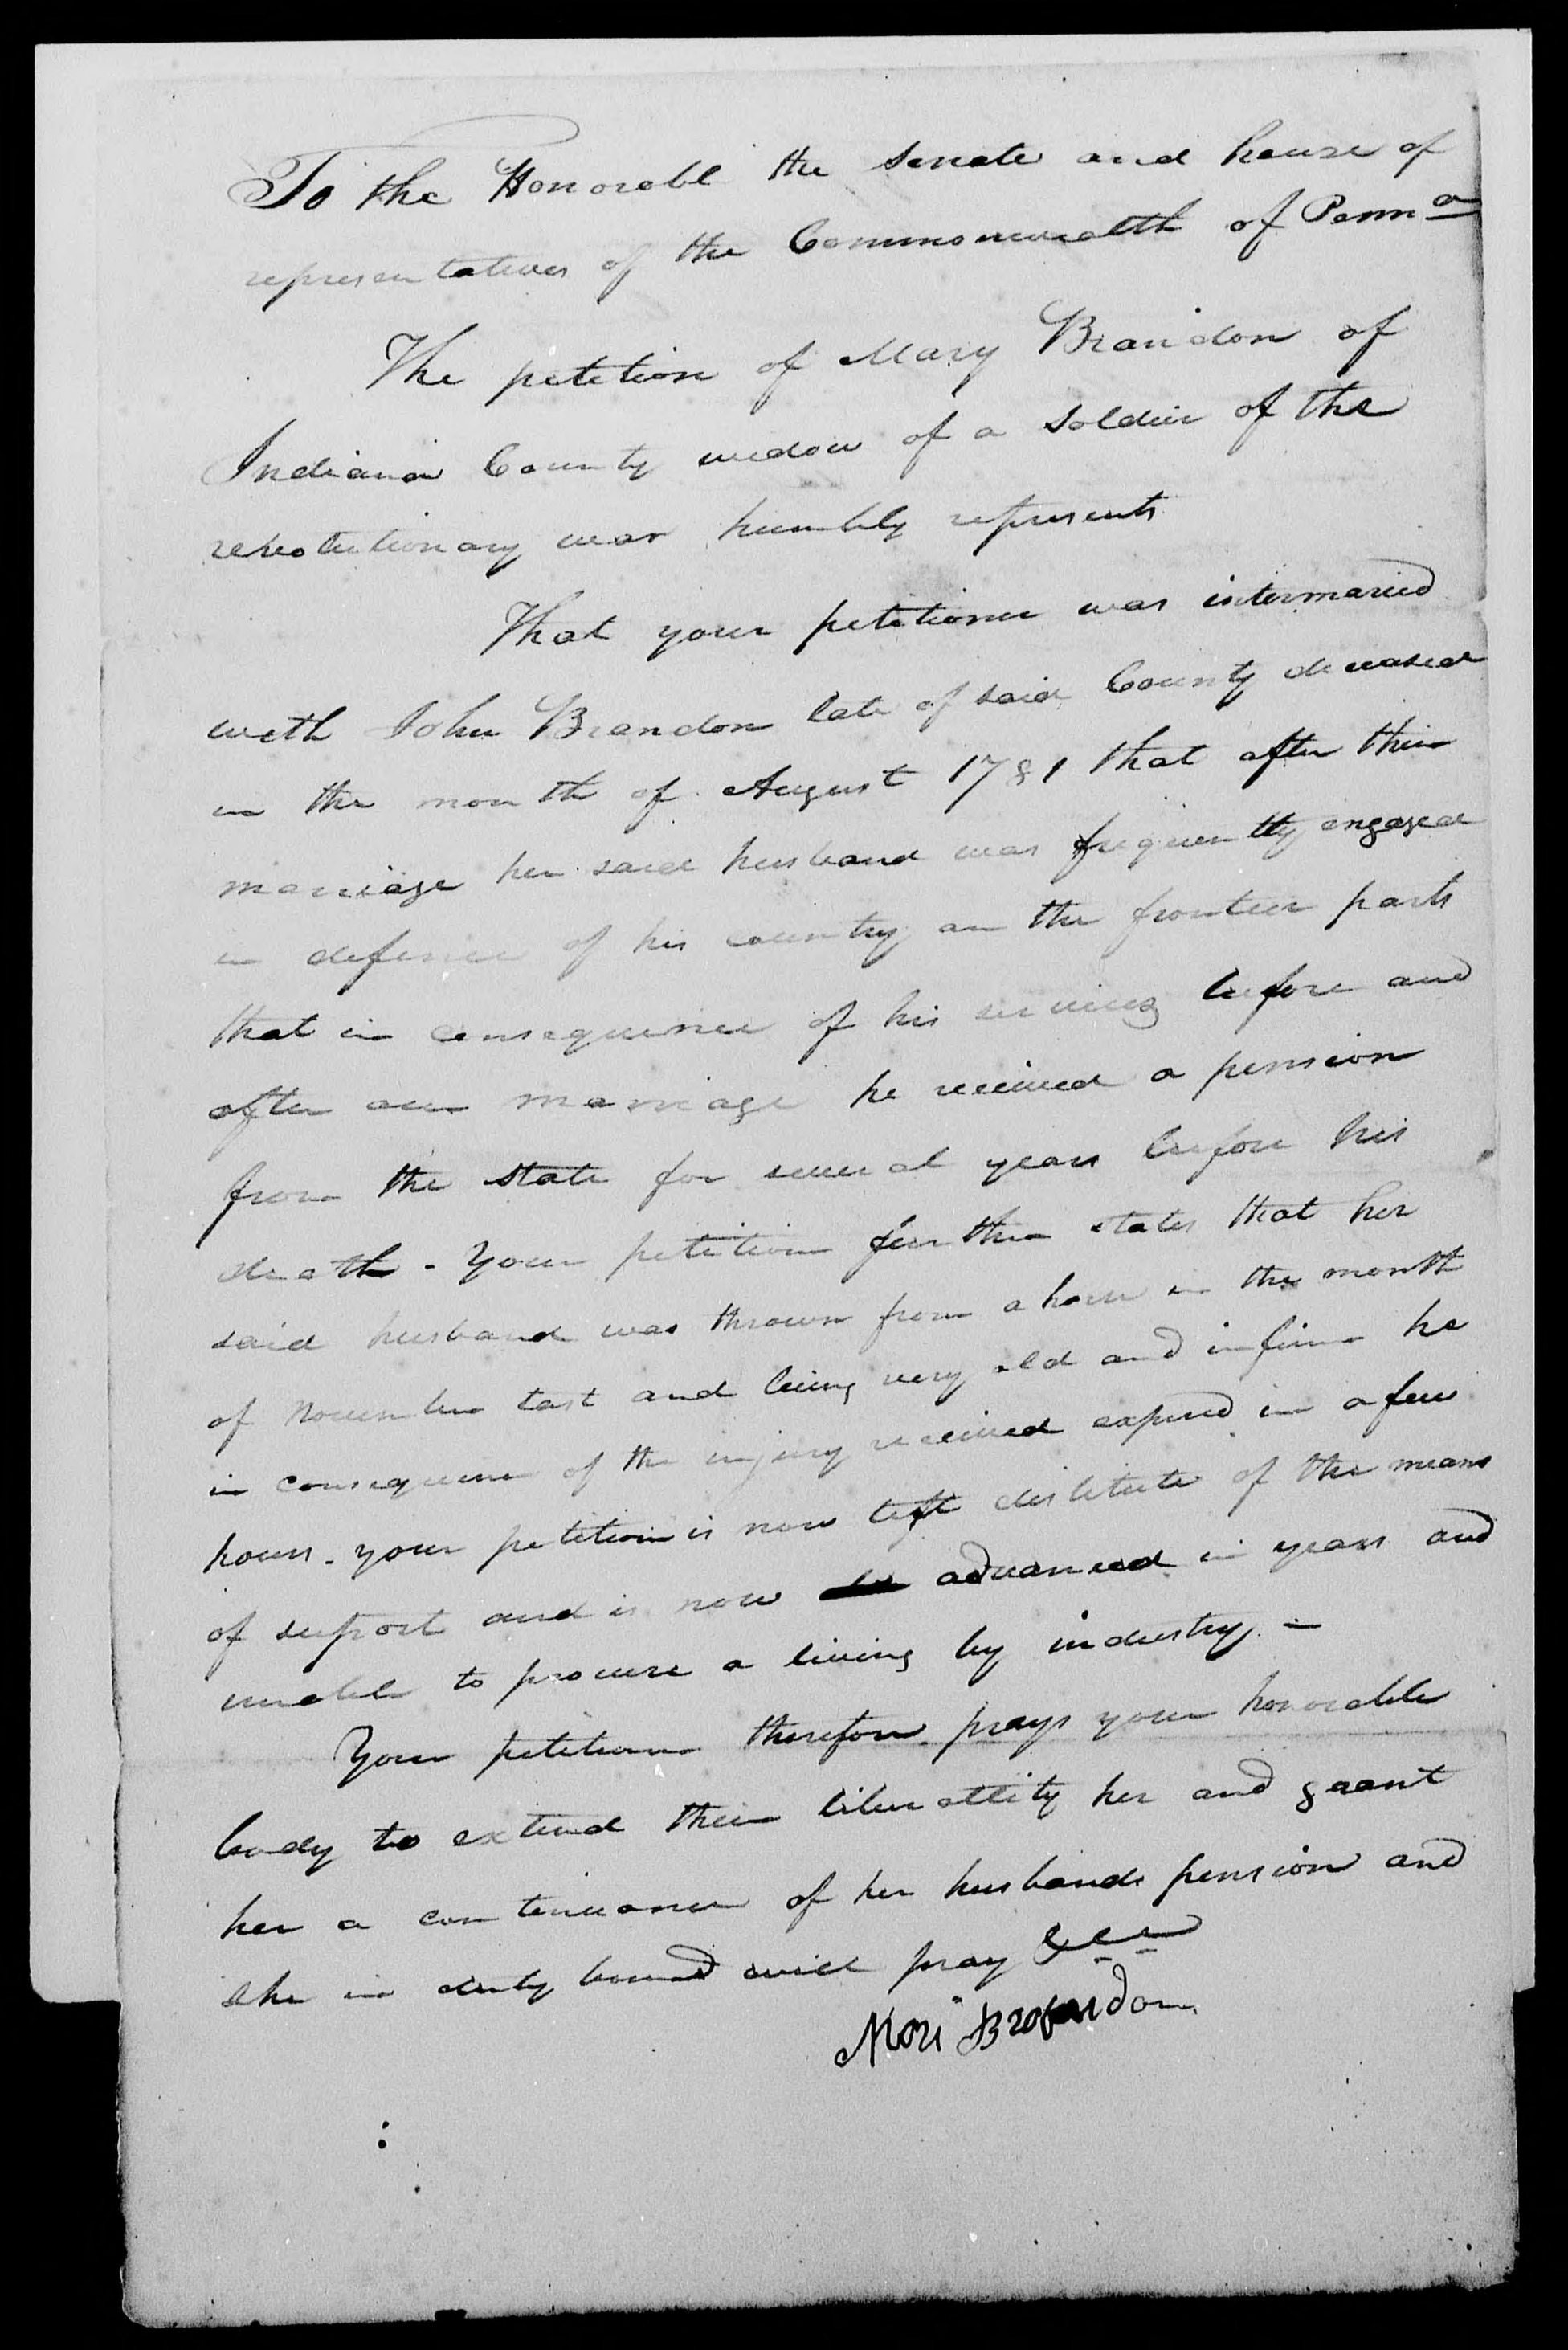To the Honorable the Senate and house of representatives of the Commonwealth of Penna.
The petition of Mary Brandon of Indiana County widow of a soldier of the revolutionary war humbly represents
That your petitioner was intermarried with John Brandon late of said County deceased in the month of August 1781 that after their marriage her said husband was frequently engaged in defense of his country on the frontier parts that in consequence of his serving before and after our marriage he received a pension from the state for several years before his death - your petitioner further states that her said husband was thrown from a horse in this month of November last and being very old and infirm he in consequence of the injury received expired in a few hours - your petitioner is now left destitute of the means of support and is now advanced in years and unable to procure a living by industry -
Your petitioner therefore prays your honorable body to extend their liberallity [liberality] her and grant her a continuance of her husbands pension and she in duty bound will pray &cc
Mari Brandon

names: John Brandon, Mary Brandon, Mari Brandon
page: 56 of 83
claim: widow's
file: W. 5946, John Brandon, Penn